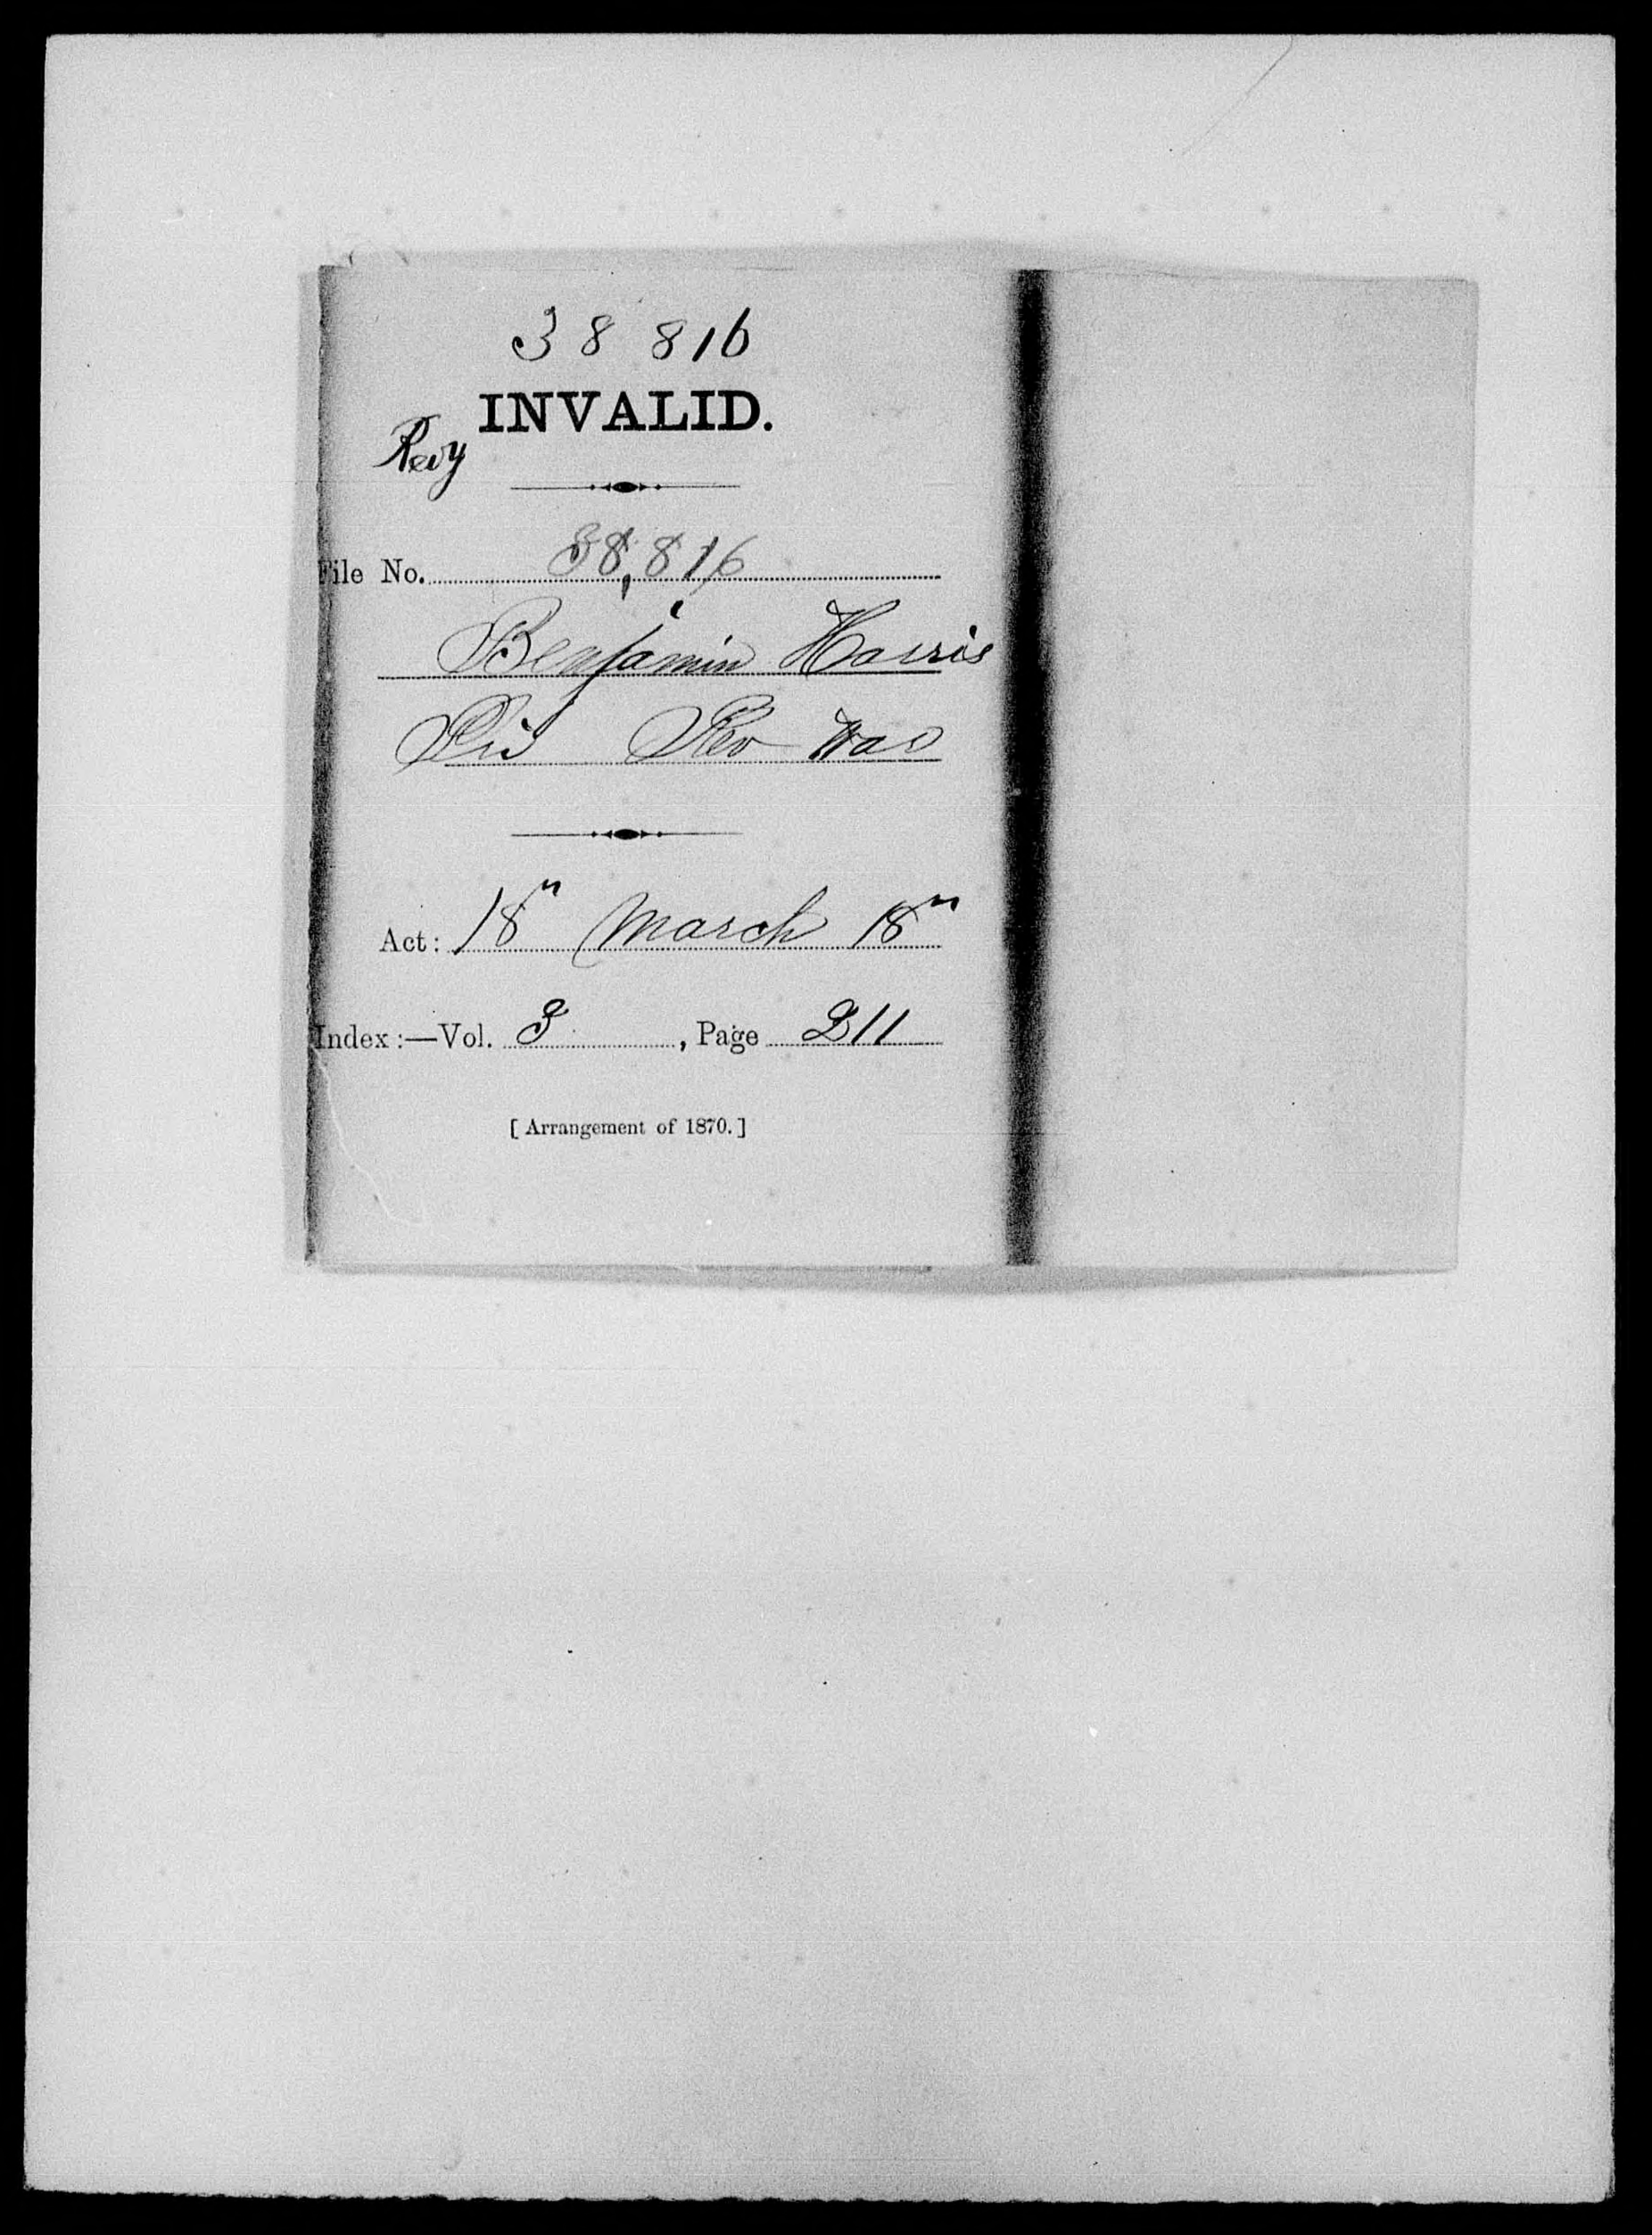Revy 38816 INVALID. - 
File No. 38 ,816 
Benjamin Harris 
Pri Rev War
Act: 18" March 18" 

Index: - Vol. 3 Page 211 
[Arrangement of 1870.]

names: Benjamin Harris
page: 9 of 62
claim: survivor's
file: S. 38816, Benjamin Harris, Mass.